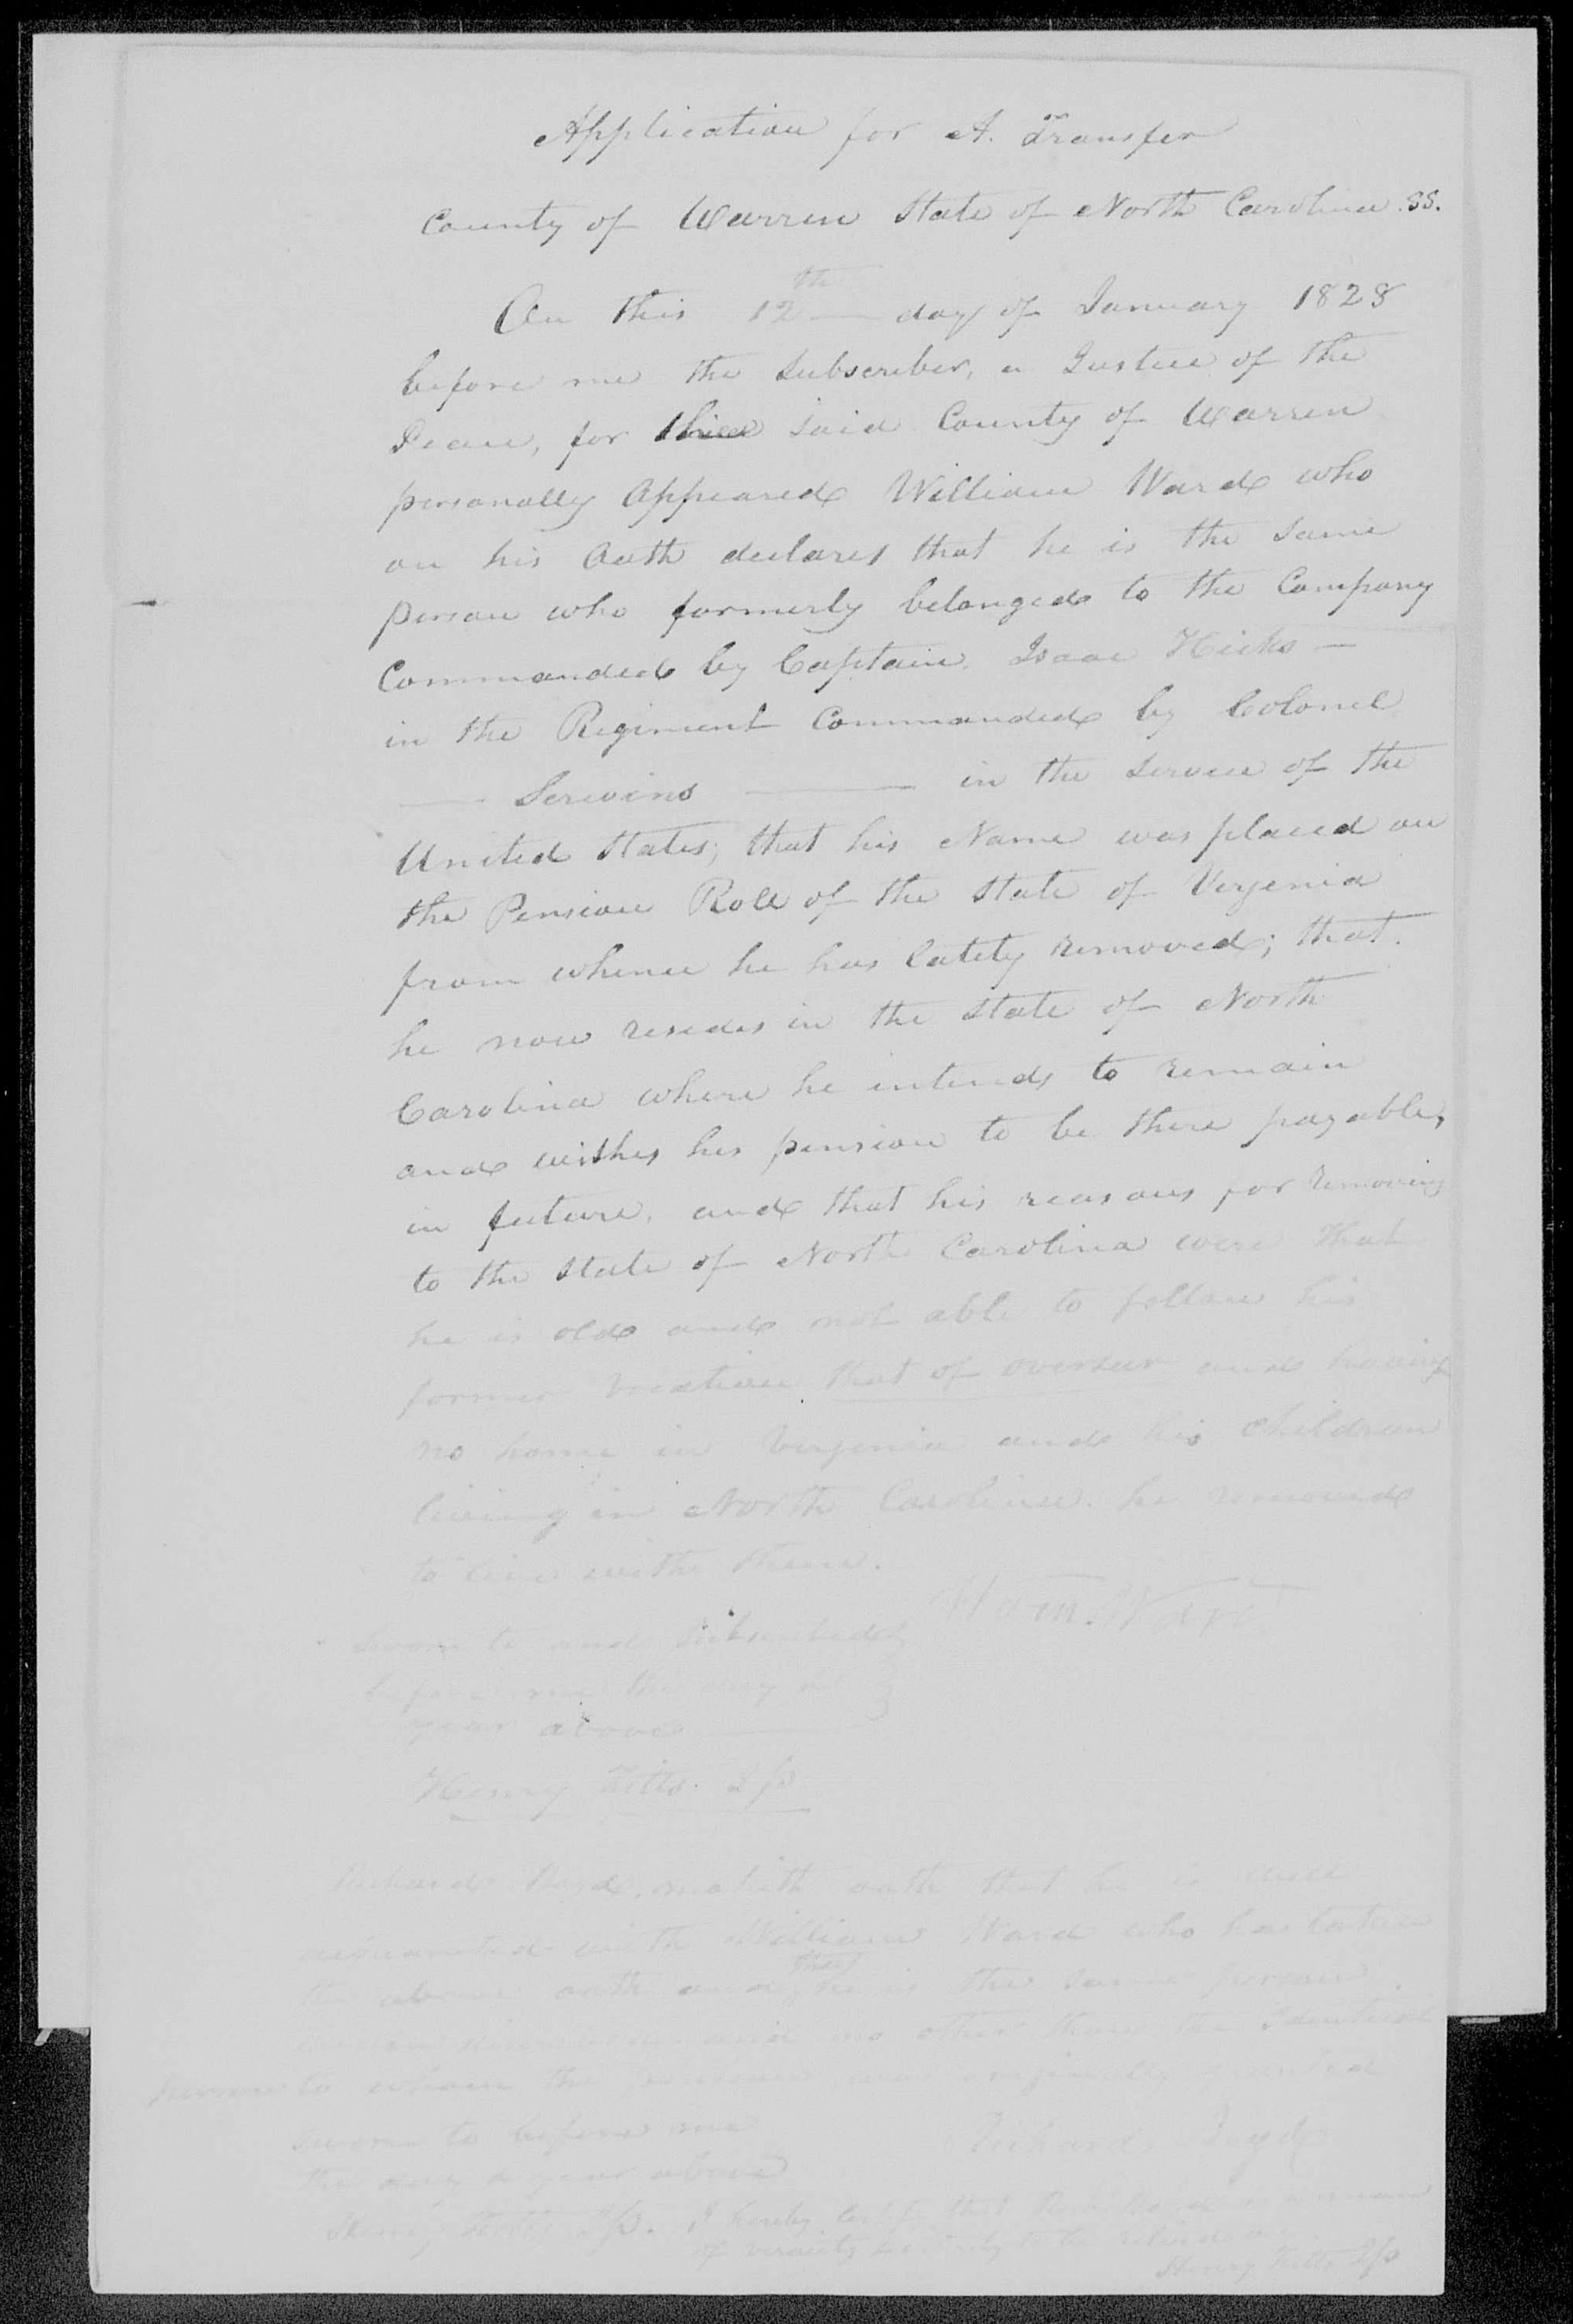Application for A Transfer
County of Warren State of North Carolina SS.
On this 12 day of January 1828 before me the subscriber, a Justice of the Peace, for the said County of Warren personally appeared William Ward who on his oath declares that he is the same person who formerly belonged to the Company commanded by Captain Isaac Hicks
in the Regiment commanded by Colonel
Scrivens in the service of the United States; that his name was placed on the Pension Roll of the State of Virginia from whence he has lately removed; that he now resides in the State of North Carolina where he intends to remain and wishes his pension to be there payable, in future, and that his reasons for removing to the State of North Carolina were that he is old and not able to follow his former vocation that of overseer and having no home in Virginia and his children living in North Carolina he removed to live with them.
Wm Ward
Sworn to and subscribed 
before me the day and year above.
Henry Fitts JP
Richard Byrd [on] saith oath that he is well acquainted with William Ward who has taken
the above oath and that he is the same person 
[Illegible] no other than the identical person to whom the [Illegible]
Richard Boyd
Sworn to before me
the day & year above
Henry Fitts JP
I hereby certify that Richd Boyd is a person of 
veracity and truly to be believed
Henry Fitts JP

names: William Ward, Isaac Hicks, Scrivens, A Transfort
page: 16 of 17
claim: survivor's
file: S. 42053, William Ward, Ga.